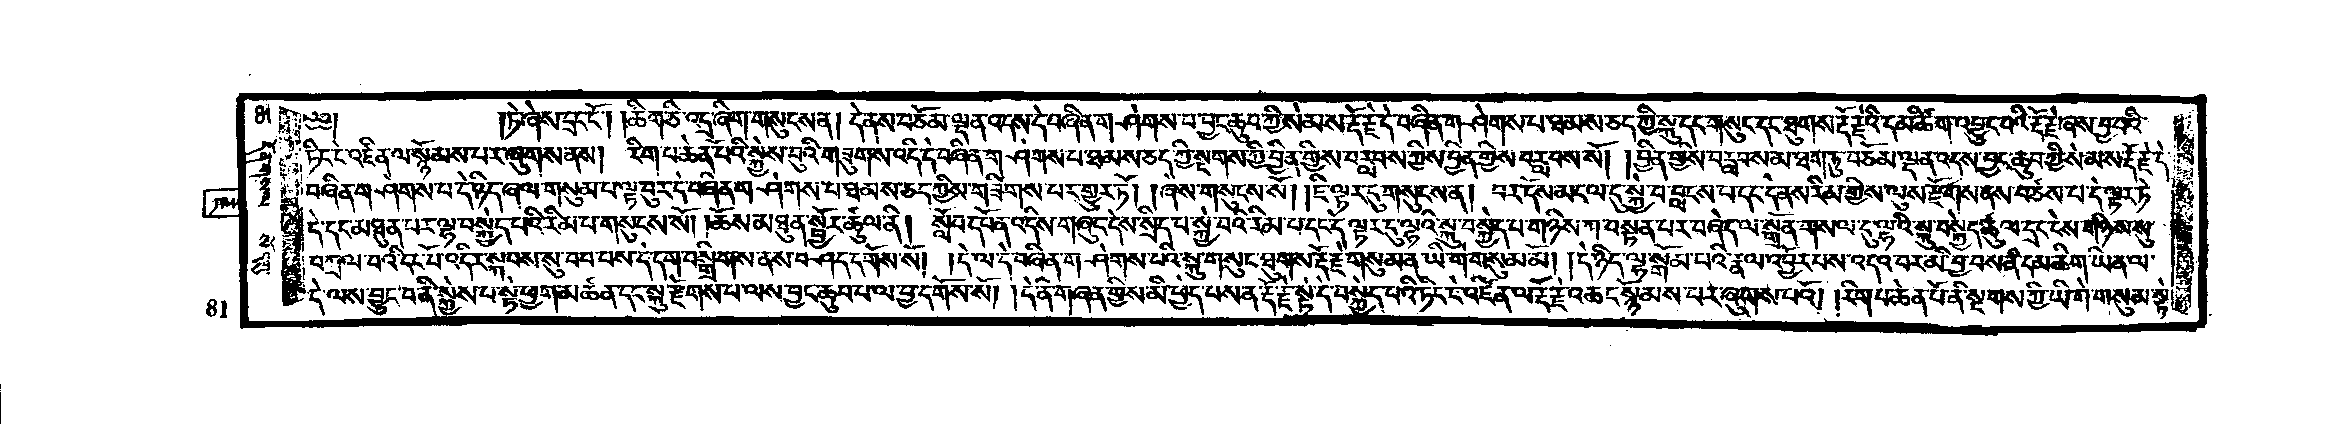༄༅། །ཏེ་ཞེས་དྲང་ངོ། །ཚིག་ཅི་འདྲ་ཞིག་གསུངས་ན། དེ་ནས་བཅོམ་ལྡན་འདས་དེ་བཞིན་གཤེགས་པ་བྱང་ཆུབ་ཀྱི་སེམས་རྡོ་རྗེ་དེ་བཞིན་གཤེགས་པ་ཐམས་ཅད་ཀྱི་སྐུ་དང་གསུང་དང་ཐུགས་རྡོ་རྗེའི་དམ་ཚིག་འབྱུང་བའི་རྡོ་རྗེ་ཞེས་བྱ་བའི་
ཏིང་ངེ་འཛིན་ལ་སྙོམས་པར་ཞུགས་ནས། རིག་པ་ཆེན་པོའི་སྐྱེས་བུའི་གཟུགས་འདི་དེ་བཞིན་གཤེགས་པ་ཐམས་ཅད་ཀྱི་སྔགས་ཀྱི་བྱིན་གྱིས་བརླབས་ཀྱིས་བྱིན་གྱིས་བརླབས་སོ། །བྱིན་གྱིས་བརླབས་མ་ཐག་ཏུ་བཅོམ་ལྡན་འདས་བྱང་ཆུབ་ཀྱི་སེམས་རྡོ་རྗེ་དེ་
བཞིན་གཤེགས་པ་དེ་ཉིད་ཞལ་གསུམ་པ་ལྟ་བུར་དེ་བཞིན་གཤེགས་པ་ཐམས་ཅད་ཀྱིས་གཟིགས་པར་གྱུར་ཏོ། །ཞེས་གསུངས་སོ། །ཇི་ལྟར་དུ་གསུངས་ན། བར་དོས་མངལ་དུ་སྐྱེ་བ་བླངས་པ་དང་དེ་ནས་རིམ་གྱིས་ལུས་རྫོགས་ནས་བཙས་པ་དེ་ལྟར་ཏེ་
དེ་དང་མཐུན་པར་ལྷ་བསྐྱེད་པའི་རིམ་པ་གསུངས་སོ། །ཆོས་མཐུན་སྦྱོར་ཚུལ་ནི། སློབ་དཔོན་འདིས་གཞུང་དེས་སྲིད་པ་སྐྱེ་བའི་རིམ་པ་དང་དེ་ལྟར་དུ་ལྷའི་སྐུ་བསྐྱེད་པ་གཉིས་ཀ་བསྟན་པར་བཞེད་ལ་སྒྲོན་གསལ་དུ་ལྷའི་སྐུ་བསྐྱེད་ཚུལ་དྲང་ངེས་གཉིས་སུ་
བཀྲལ་བའི་དང་པོ་འདིར་སྐབས་སུ་བབ་པས་དེ་དག་བསྒྲིགས་ནས་བཤད་དགོས་སོ། །དེ་ལ་དེ་བཞིན་གཤེགས་པའི་སྐུ་གསུང་ཐུགས་རྡོ་རྗེ་གསུམ་ནི་ཡི་གེ་གསུམ་མོ། །དེ་ཉིད་ལྷ་སྒོམ་པའི་རྣལ་འབྱོར་པས་འདའ་བར་མི་བྱ་བས་ན་དམ་ཚིག་ཡིན་ལ་
དེ་ལས་བྱུང་བ་ནི་སྐྱེས་པ་སྟེ་ཕྱག་མཚན་དང་སྐུ་རྫོགས་པ་ལས་བྱང་ཆུབ་པ་ལ་བྱ་དགོས་སོ། །དེ་ནི་གཞན་གྱིས་མི་ཕྱེད་པས་ན་རྡོ་རྗེ་སྟེ་དེ་བསྐྱེད་པའི་ཏིང་ངེ་འཛིན་ལ་རྡོ་རྗེ་འཆང་སྙོམས་པར་ཞུགས་པའོ། །རིག་པ་ཆེན་པོ་ནི་སྔགས་ཀྱི་ཡི་གེ་གསུམ་སྟེ་